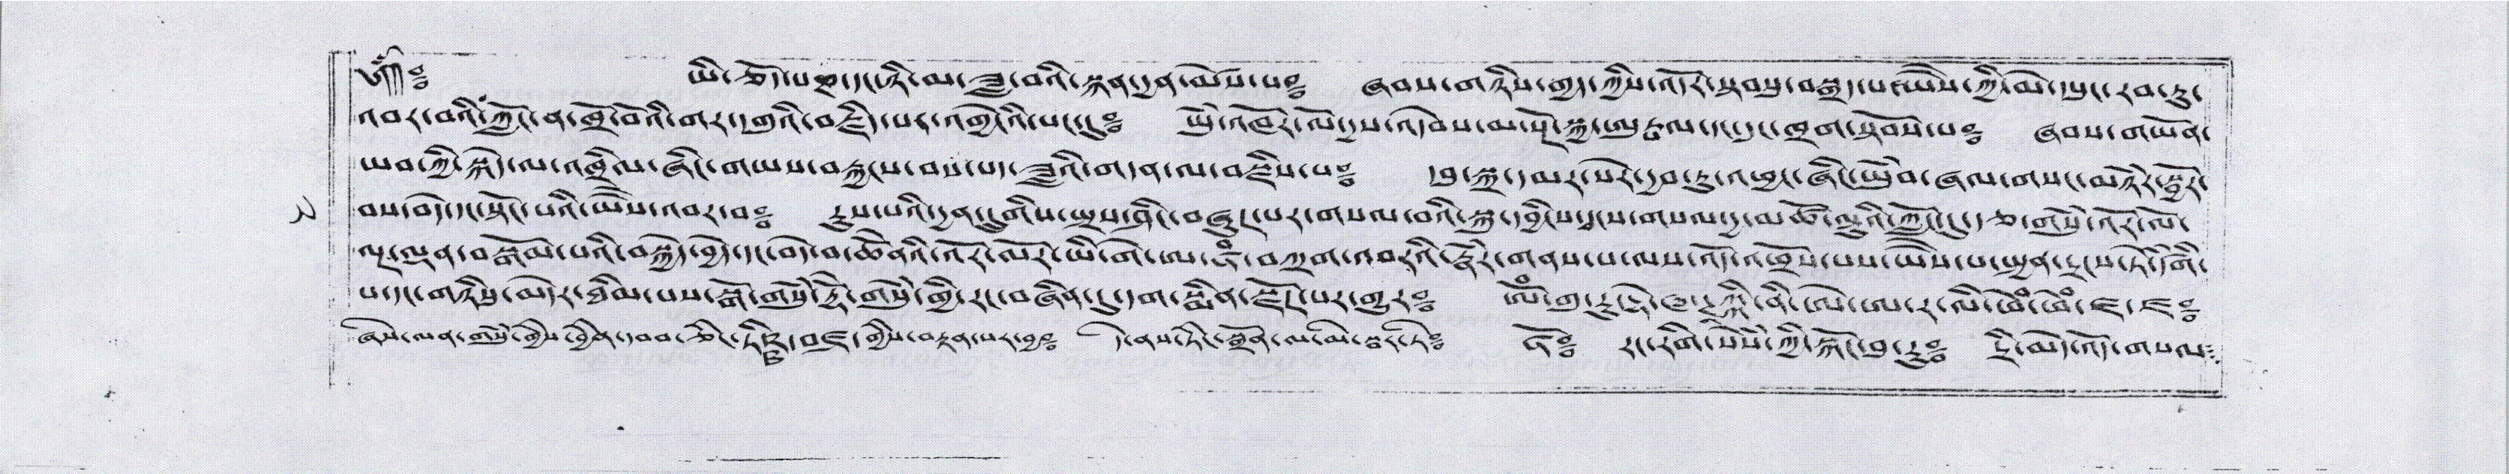ཡི་ཅོད་པཎ་དང་ཉི་མ་ཟླ་བའི་སྐན་རྒྱན་མཛེས་པ༔ ཞབས་གཉིས་གྱད་ཀྱིས་འདོར་སྟབས་སུ་བསྒྲད་པ་ཡེ་ཤེས་ཀྱི་མེ་དཔུང་རབ་ཏུ་
འབར་བའི་ཀློང་ན་ཁྲོ་བོའི་གར་དགུའི་བརྗིད་པར་འགྱེངས་བའི་པང་དུ༔ ཡུམ་འཁོར་ལོ་རྒྱས་འདེབས་མ་སྔོ་སྐྱ་ཨུཏྤལ་དང་དུང་ཁྲག་སྟོབས་པ༔ ཞབས་གཡོན་
ཡབ་ཀྱི་སྐེད་ལ་འཁྲིལ་ཞིང་གཡས་བརྐྱངས་བས་པད་ཟླའི་གདན་ལ་བསྫིས་པ༔ དབུ་སྐྲ་དམར་སེར་རྒྱབ་ཏུ་འཕྱང་ཞིང་ཡབ་ཡུམ་ཞལ་གསང་མཉམ་པར་སྦྱོར་
བས་བདེ་དང་སྟོང་པའི་ཡེ་ཤེས་འབར་བ༔ རུས་པའི་རྒྱན་དྲུག་གིས་སྤྲས་ཤིང་བཞུགས་པར་གསལ་བའི་སྐུ་དབྱིངས་དྭངས་གསལ་རྒྱ་མཚོ་ལྟ་བུའི་ཀློང་དུ་རྩ་གསུམ་འཁོར་ལོ་
ལྔ་ལྡན་བསྒོམ་པའི་བསྐྱེད་བྱེད་དང་བདེ་བ་ཆེན་པོའི་འཁོར་ལོར་ཡི་གེ་ཨ་ཧཾ་བཀྲག་འབར་བའིི་རྣམ་པར་གནས་པ་ལས་འོད་འཕྲོས་པས་ཡེ་ཤེས་པ་སྤྱན་དྲངས་ཏེ་དམ་ཚིག་
པ་དང་གཉིས་སུ་མེད་པར་ཐིམ་པས་སྒོ་གསུམ་རྡོ་རྗེ་གསུམ་གྱི་རང་བཞིན་དུ་དག་སྨིན་རྫོགས་པར་གྱུར༔ ཨོཾ་གུ་རུ་དྷེ་ཝ་ཌཱཀྐི་ནི་ཨེ་ཨ་ར་ལི་ཕེཾ་ཕེཾ་ཛ་ཛ༔ 
ཞེས་ལན་གསུམ་གྱིས་བྱིན་དབབ་ཅིང་ཏིཥྛ་བཛྲ་གྱིས་བརྟན་པར་བྱ༔ དེ་ནས་ཏིང་སྒྲོན་ལ་མེ་སྦར་ཏེ༔ ཧོ༔ རང་རིག་སེམས་ཀྱི་སྐོང་བུ་རུ༔ དྲི་མེད་འོད་གསལ་